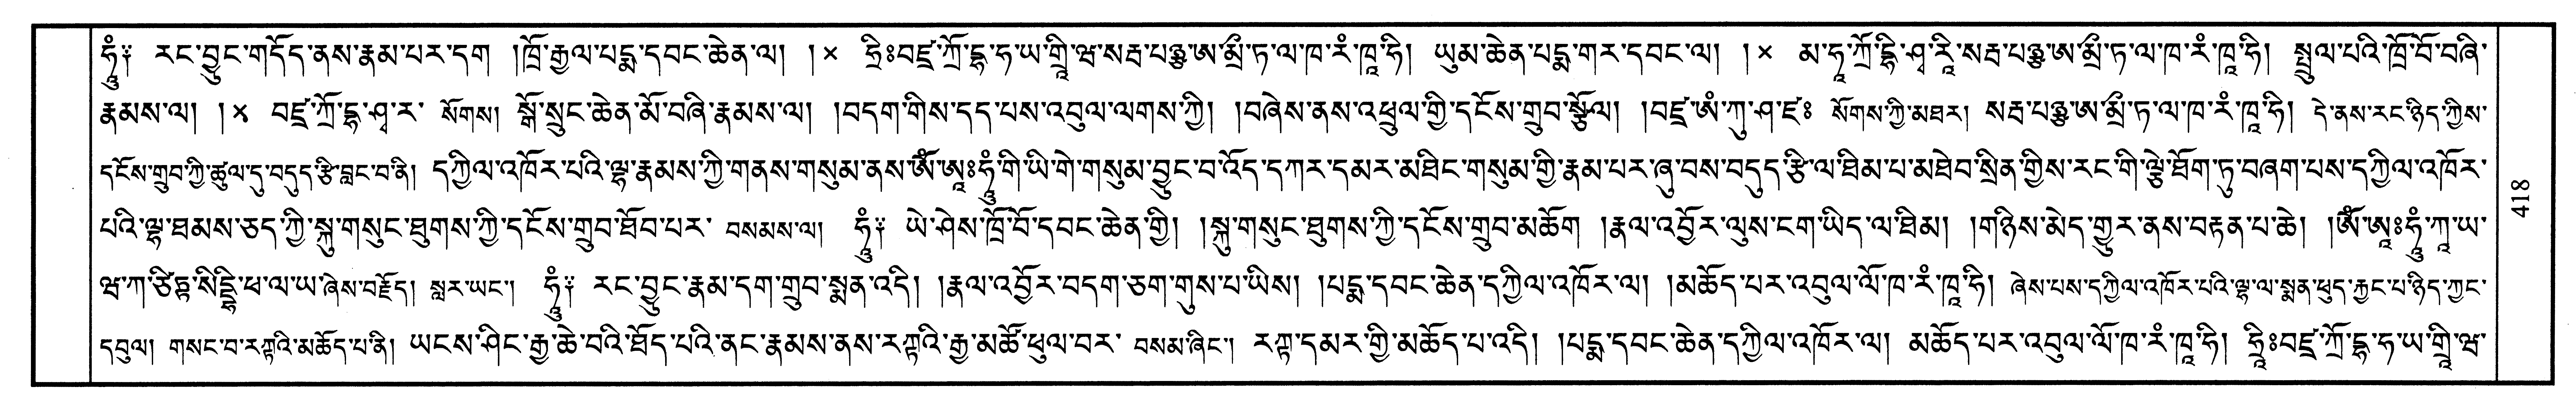ཧཱུཾ༑ རང་བྱུང་གདོད་ནས་རྣམ་པར་དག །ཁྲོ་རྒྱལ་པདམ་དབང་ཆེན་ལ། །྾་ཧྲིཿ བཛྲ་ཀྲོ་དྷ་ཧ་ཡ་གྲཱི་ཝ་སརྦ་པཉྩ་ཨ་མྲྀ་ཏ་ལ་ཁ་རཾ་ཁཱ་ཧི། ཡུམ་ཆེན་པདམ་གར་དབང་ལ། །྾་མ་ཧཱ་ཀྲོ་དྷི་ཤྭ་རཱི་སརྦ་པཉྩ་ཨ་མྲྀ་ཏ་ལ་ཁ་རཾ་ཁཱ་ཧི། སྤྲུལ་པའི་ཁྲོ་བོ་བཞི་
རྣམས་ལ། །྾་བཛྲ་ཀྲོ་དྷ་ཤྭ་ར་སོགས། སྒོ་སྲུང་ཆེན་མོ་བཞི་རྣམས་ལ། །བདག་གིས་དད་པས་འབུལ་ལགས་ཀྱི། །བཞེས་ནས་འཕྲུལ་གྱི་དངོས་གྲུབ་སྩོལ། །བཛྲ་ཨཾ་ཀུ་ཤ་ཛཿ སོགས་ཀྱི་མཐར། སརྦ་པཉྩ་ཨ་མྲྀ་ཏ་ལ་ཁ་རཾ་ཁཱ་ཧི། དེ་ནས་རང་ཉིད་ཀྱིས་
དངོས་གྲུབ་ཀྱི་ཚུལ་དུ་བདུད་རྩི་བླང་བ་ནི། དཀྱིལ་འཁོར་པའི་ལྷ་རྣམས་ཀྱི་གནས་གསུམ་ནས་ཨོཾ་ཨཱཿ ཧཱུཾ་གི་ཡི་གེ་གསུམ་བྱུང་བ་འོད་དཀར་དམར་མཐིང་གསུམ་གྱི་རྣམ་པར་ཞུ་བས་བདུད་རྩི་ལ་ཐིམ་པ་མཐེབ་སྲིན་གྱིས་རང་གི་ལྕེ་ཐོག་ཏུ་བཞག་པས་དཀྱིལ་འཁོར་
པའི་ལྷ་ཐམས་ཅད་ཀྱི་སྐུ་གསུང་ཐུགས་ཀྱི་དངོས་གྲུབ་ཐོབ་པར་བསམས་ལ། ཧཱུཾ༑ ཡེ་ཤེས་ཁྲོ་བོ་དབང་ཆེན་གྱི། །སྐུ་གསུང་ཐུགས་ཀྱི་དངོས་གྲུབ་མཆོག །རྣལ་འབྱོར་ལུས་ངག་ཡིད་ལ་ཐིམ། །གཉིས་མེད་གྱུར་ནས་བརྟན་པ་ཆེ། །ཨོཾ་ཨཱཿ ཧཱུཾ་ཀཱ་ཡ་
ཝ་ཀ་ཙིཏྟ་སིདྡྷི་ཕ་ལ་ཡ་ཞེས་བརྗོད། སླར་ཡང་། ཧཱུཾ༑ རང་བྱུང་རྣམ་དག་གྲུབ་སྨན་འདི། །རྣལ་འབྱོར་བདག་ཅག་གུས་པ་ཡིས། །པདམ་དབང་ཆེན་དཀྱིལ་འཁོར་ལ། །མཆོད་པར་འབུལ་ལོ་ཁ་རཾ་ཁཱ་ཧི། ཞེས་པས་དཀྱིལ་འཁོར་པའི་ལྷ་ལ་སྨན་ཕུད་རྐྱང་པ་ཉིད་ཀྱང་
དབུལ། གསང་བ་རཀྟའི་མཆོད་པ་ནི། ཡངས་ཤིང་རྒྱ་ཆེ་བའི་ཐོད་པའི་ནང་རྣམས་ནས་རཀྟའི་རྒྱ་མཚོ་ཕུལ་བར་བསམ་ཞིང་། རཀྟ་དམར་གྱི་མཆོད་པ་འདི། །པདམ་དབང་ཆེན་དཀྱིལ་འཁོར་ལ། མཆོད་པར་འབུལ་ལོ་ཁ་རཾ་ཁཱ་ཧི། ཧྲཱིཿ བཛྲ་ཀྲོ་དྷ་ཧ་ཡ་གྲཱི་ཝ་